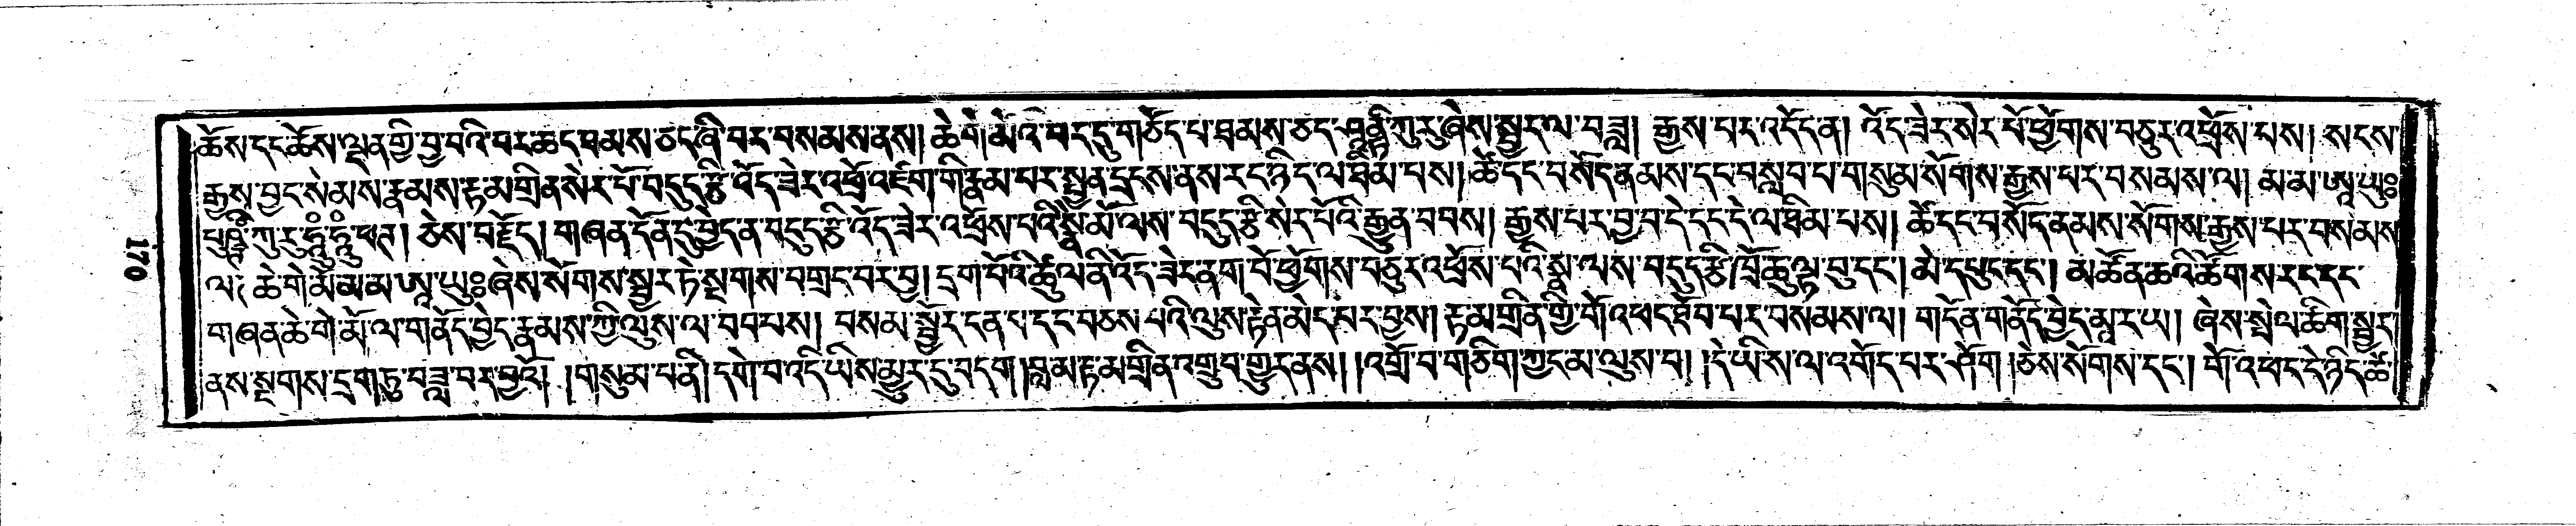ཆོས་དང་ཆོས་ལྡན་གྱི་བྱ་བའི་བར་ཆད་ཐམས་ཅད་ཞི་བར་བསམས་ནས། ཆེ་གེ་མོའི་བར་དུ་གཅོད་པ་ཐམས་ཅད་ཤཱནྟི་ཀུ་རུ་ཞེས་སྦྱར་ལ་བཟླ། རྒྱས་པར་འདོད་ན། འོད་ཟེར་སེར་པོ་ཕྱོགས་བཅུར་འཕྲོས་པས། སངས་
རྒྱས་བྱང་སེམས་རྣམས་རྟ་མགྲིན་སེར་པོ་བདུད་རྩི་འོད་ཟེར་འཕྲོ་འཛག་གི་རྣམ་པར་སྤྱན་དྲངས་ནས་རང་ཉིད་ལ་ཐིམ་པས། ཚེ་དང་བསོད་ནམས་དང་བསླབ་པ་གསུམ་སོགས་རྒྱས་པར་བསམས་ལ། མ་མ་ཨཱ་ཡུཿ
པུཥྚིཾ་ཀུ་རུ་ཧཱུཾ་ཧཱུཾ་ཕཊ། ཅེས་བརྗོད། གཞན་དོན་དུ་བྱེད་ན་བདུད་རྩི་འོད་ཟེར་འཕྲོས་པའི་སྣེ་མོ་ལས་བདུད་རྩི་སེར་པོའི་རྒྱུན་བབས། རྒྱས་པར་བྱ་བ་དེ་དང་དེ་ལ་ཐིམ་པས། ཚེ་དང་བསོད་ནམས་སོགས་རྒྱས་པར་བསམས་
ལ། ཆེ་གེ་མོ་མ་མ་ཨཱ་ཡུཿ ཞེས་སོགས་སྦྱར་ཏེ་སྔགས་བགྲང་བར་བྱ། དྲག་པོའི་ཚུལ་ནི་འོད་ཟེར་ནག་པོ་ཕྱོགས་བཅུར་འཕྲོས་པའི་སྣ་ལས་བདུད་རྩི་ཁྲོ་ཆུ་ལྟ་བུ་དང་། མེ་དཔུང་དང་། མཚོན་ཆའི་ཚོགས་རབ་དང་
གཞན་ཆེ་གེ་མོ་ལ་གནོད་བྱེད་རྣམས་ཀྱི་ལུས་ལ་བབས་པ། བསམ་སྦྱོར་ངན་པ་དང་བཅས་པའི་ལུས་རྟེན་མེད་པར་བྱས། རྟ་མགྲིན་གྱི་གོ་འཕང་ཐོབ་པར་བསམས་ལ། གདོན་གནོད་བྱེད་མཱ་ར་ཡ། ཞེས་སྤེལ་ཚིག་སྦྱར་
ནས་སྔགས་དྲག་ཏུ་བཟླ་བར་བྱའོ། །གསུམ་པ་ནི། དགེ་བ་འདི་ཡིས་མྱུར་དུ་བདག །བླ་མ་རྟ་མགྲིན་འགྲུབ་གྱུར་ནས། །འགྲོ་བ་གཅིག་ཀྱང་མ་ལུས་པ། །དེ་ཡི་ས་ལ་འགོད་པར་ཤོག །ཅེས་སོགས་དང་། གོ་འཕང་དེ་ཉིད་ཚེ་